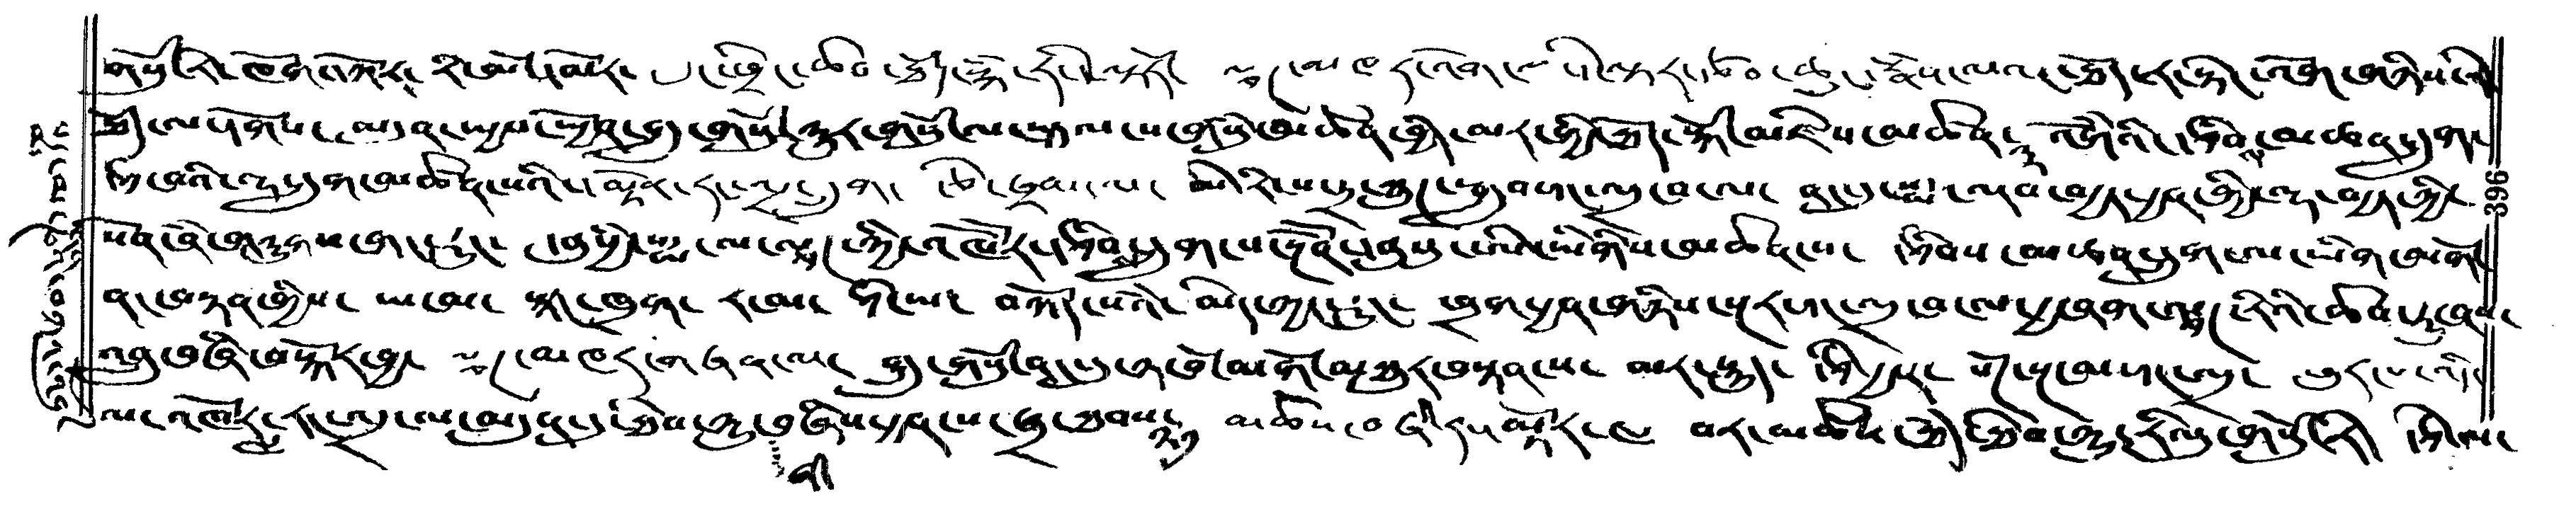གསུམ་རེ། ཁོག་དཀར་པོ། རི་མོ་དམར་པོ། དུང་ཕྲེང་ཚབ་ཐོད་སྐམ་རེ་དེ་ལྟར་རོ། ལྕགས་མཁར་འོག་ལ་དེ་ལྟར་རྩབ་ཆུང་རྣམས་ལའང་ཐོད་རྭ་སྟེང་འོག་གཉིས་རེ་
ཐམས་ཅད་ལ་དགོས། མདུན་གཡས་གཡོན་གྲུ་གསུམ་ཟུར་གསུམ་ལ་སྤྲུལ་པ་གསུམ་མཚོན་བྱེད་མར་གྱི་ཐོད་སྐམ་མཛེས་ཚོན་གསུམ། འོག་མའི་རྩིབས་མཆན་དྲུག 
རྩ་བའི་ལྷ་དྲུག་མཚོན་པའི་དམར་གཏོར་རང་འདྲ་དྲུག རྩེ་ཁྲམ་ལ་མེ་རི་པ་ཏྲ་ཐུགས་སྒྲུབ་དང་འདྲ་བ་ལ། ནང་དུ་པདྨ་འདབ་བརྒྱད་ཀྱི་རྒྱན་པར་ལྷ་བརྒྱད་ཀྱི་
ས་བོན་ནམ་གཟུགས་གང་རུང་། དབུས་ཀྱི་པདྨ་ལ་ལྕགས་ཀྱི་འཁོར་ལོ་རྩིབས་དྲུག་པ་སྔོན་པོ་དབུས་སུ་ཨེ་ཡིག་གིས་མཚན་པ།རྩིབས་མཆན་དྲུག་ལ་ཡིག་མགོ་
ནང་བསྟན་གྱིས། ཡ་མ། སྙིང་ཁྲག ར་མ། ཙ་ཡ། བཀོད་པའམ་མེད་ཀྱང་རུང་། ཕྲག་རྒྱན་གཉིས་སྔར་དང་འདྲ་བ་ལ་རྒྱ་ནག་ལྕགས་རིའི་ཚབ་ཏུ་ནས་
འབྲུ་བཞི་བསྐོར་བྱ། ལྕགས་མཁར་གཞན་ལ། གྲུ་གསུམ་ནང་དུ་ཉ་བོ་མགོ་མཐུར་བསྟན་པ། མར་སྐུད། རྩེ་རྒྱ་ར་སོགས་སྔ་མ་དང་འདྲ། ཕུར་པ་འདི་
ལ་འཁོར་བཞི་རང་འདྲ་ལ་མདུན་དུ་མཐེབ་སྐྱུ་བཞིས་རྒྱན་པ་ཁྲ་ཐབས་ཉེར་གཅིག མཆན་བཞི་ར་དམ་གཏོར་བཞི། བར་མཚམས་ཐམས་ཅད་ཐེབ་ཀྱུ་རིལ་བུ་གསུམ་རེ། རྩེ་ལ་